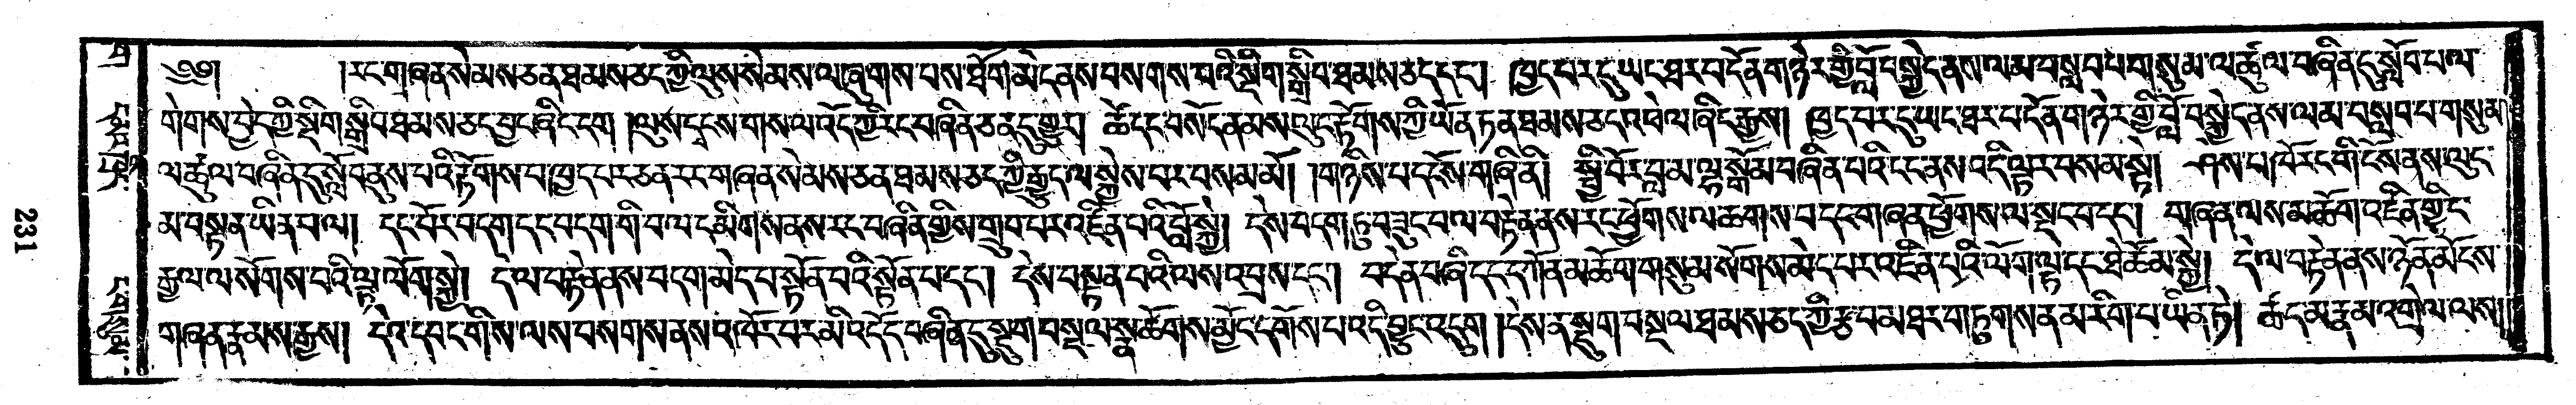༄༅། །རང་གཞན་སེམས་ཅན་ཐམས་ཅད་ཀྱི་ལུས་སེམས་ལ་ཞུགས་པས་ཐོག་མེད་ནས་བསགས་བའི་སྡིག་སྒྲིབ་ཐམས་ཅད་དང་། ཁྱད་པར་དུ་ཡང་ཐར་པ་དོན་གཉེར་གྱི་བློ་བསྐྱེད་ནས་ལམ་བསླབ་པ་གསུམ་ལ་ཚུལ་བཞིན་དུ་སློབ་པ་ལ་
གེགས་བྱེད་ཀྱི་སྡིག་སྒྲིབ་ཐམས་ཅད་བྱང་ཞིང་དག །ལུས་དྭངས་གསལ་འོད་ཀྱི་རང་བཞིན་ཅན་དུ་གྱུར། ཚེ་དང་བསོད་ནམས་ལུང་རྟོགས་ཀྱི་ཡོན་ཏན་ཐམས་ཅད་འཕེལ་ཞིང་རྒྱས། ཁྱད་པར་དུ་ཡང་ཐར་བདོན་གཉེར་གྱི་བློ་བསྐྱེད་ནས་ལམ་བསླབ་པ་གསུམ་
ལ་ཚུལ་བཞིན་དུ་སློབ་ནུས་པའི་རྟོགས་བ་ཁྱད་པར་ཅན་རང་གཞན་སེམས་ཅན་ཐམས་ཅད་ཀྱི་རྒྱུད་ལ་སྐྱེས་བར་བསམ་མོ། །གཉིས་པ་དངོས་གཞི་ནི། སྦྱི་བོར་བླ་མ་ལྷ་སྒོམ་བཞིན་པའི་དང་ནས་འདི་ལྟར་བསམ་སྟེ། ཤེས་པ་ཁོ་རང་གི་ངོས་ནས་ལུང་
མ་བསྟན་ཡིན་བ་ལ། དང་པོར་བདག་དང་བདག་གི་བ་ལ་དམིགས་ནས་རང་བཞིན་གྱིས་གྲུབ་པར་འཛིན་པའི་བློ་སྐྱེ། དེས་བདག་ཏུ་བཟུང་པ་ལ་བརྟེན་ནས་རང་ཕྱོགས་ལ་ཆགས་བ་དང་གཞན་ཕྱོགས་ལ་སྡང་བ་དང་། གཞན་ལས་མཆོག་འཛིན་གྱི་ང་
རྒྱལ་ལ་སོགས་པའི་ལྟ་ལོག་སྐྱེ། དེ་ལ་བརྟེན་ནས་བདག་མེད་པ་སྟོན་པའི་སྟོན་པ་དང་། དེས་བསྟན་པའི་ལས་འབྲས་དང་། བདེན་བཞི་དང་དཀོན་མཆོག་གསུམ་སོགས་མེད་པར་འཛིན་པའི་ལོག་ལྟ་དང་ཐེ་ཚོམ་སྐྱེ། དེ་ལ་བརྟེན་ནས་ཉོན་མོངས་
གཞན་རྣམས་རྒྱས། དེའི་དབང་གིས་ལས་བསགས་ནས་འཁོར་བར་མི་འདོད་བཞིན་དུ་སྡུག་བསྔལ་སྣ་ཚོགས་མྱོང་དགོས་པ་འདི་བྱུང་འདུག །དེས་ན་སྡུག་བསྔལ་ཐམས་ཅད་ཀྱི་རྩ་བ་མཐར་གཏུགས་ན་མ་རིག་པ་ཡིན་ཏེ། ཚད་མ་རྣམ་འགྲེལ་ལས། །